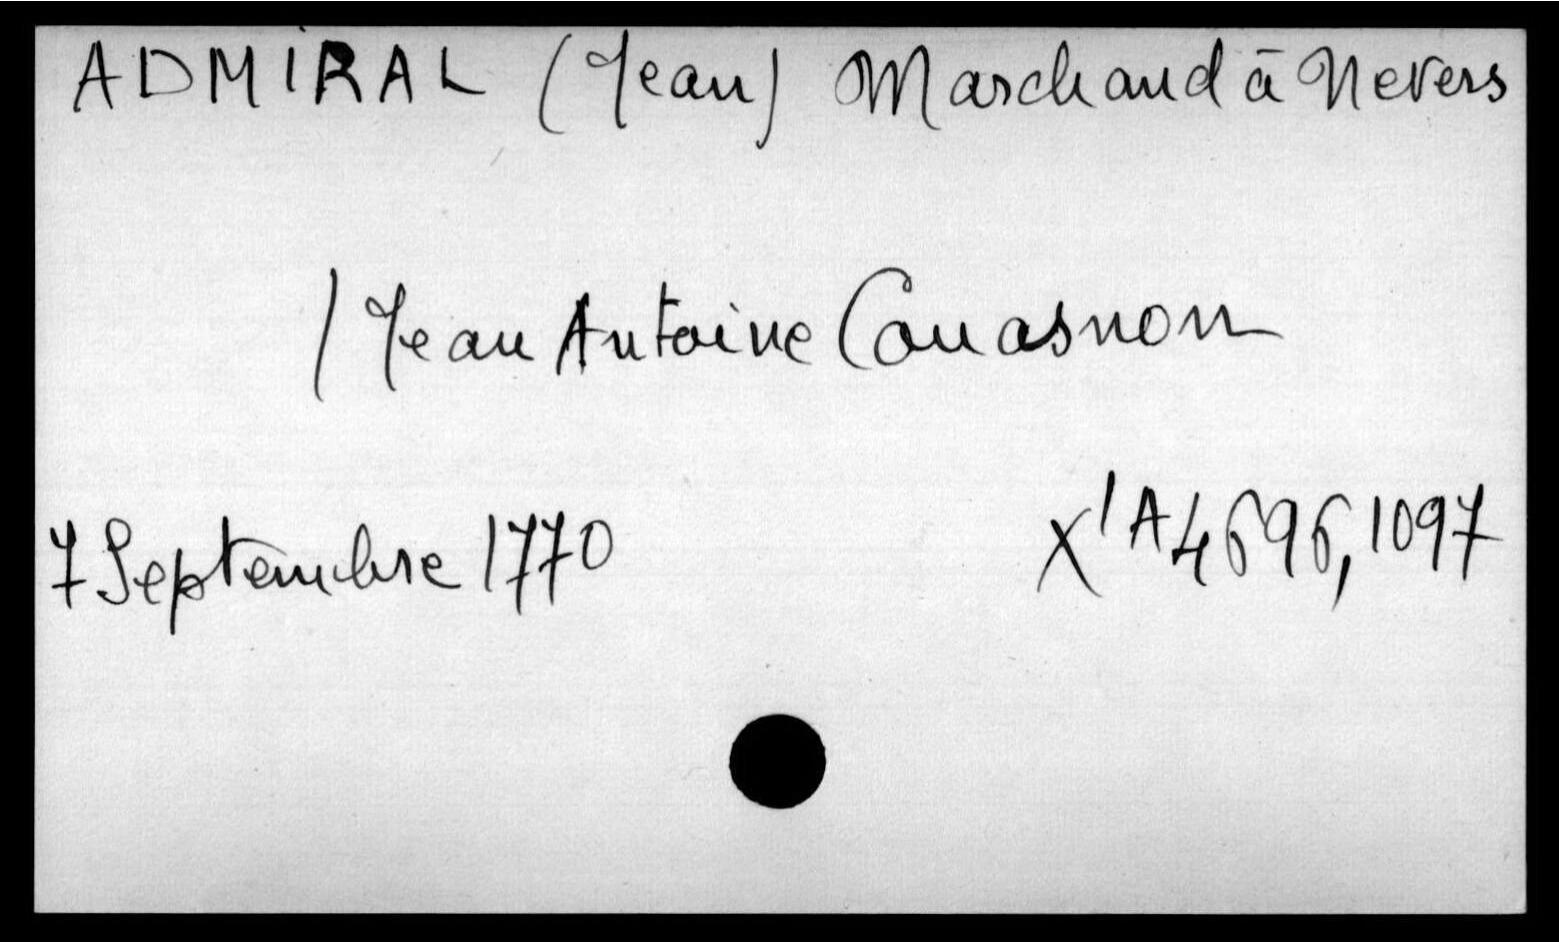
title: ADMIRAL (Jean) Marchand à Mevers
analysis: Contre Jean-Antoine Couasnon
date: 7 septembre 1770
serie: X1A
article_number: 4696
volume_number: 1097
